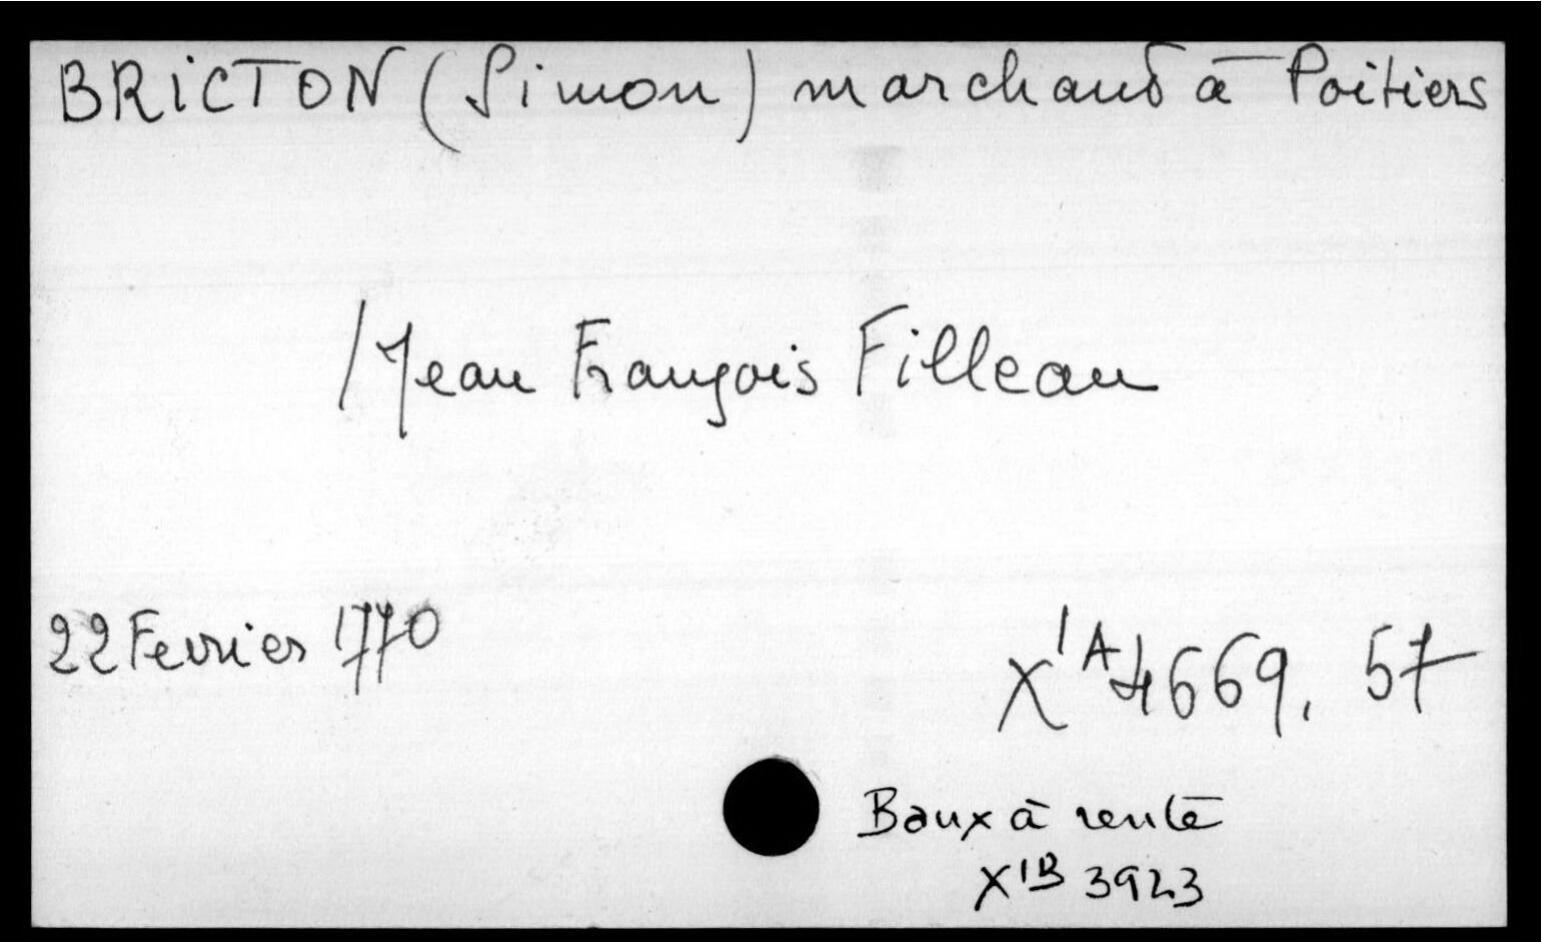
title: BRICTON (Simon) marchand à Poitiers
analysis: Contre Jean François Filleau
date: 22 février 1770
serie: X1A
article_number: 4669
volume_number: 57
